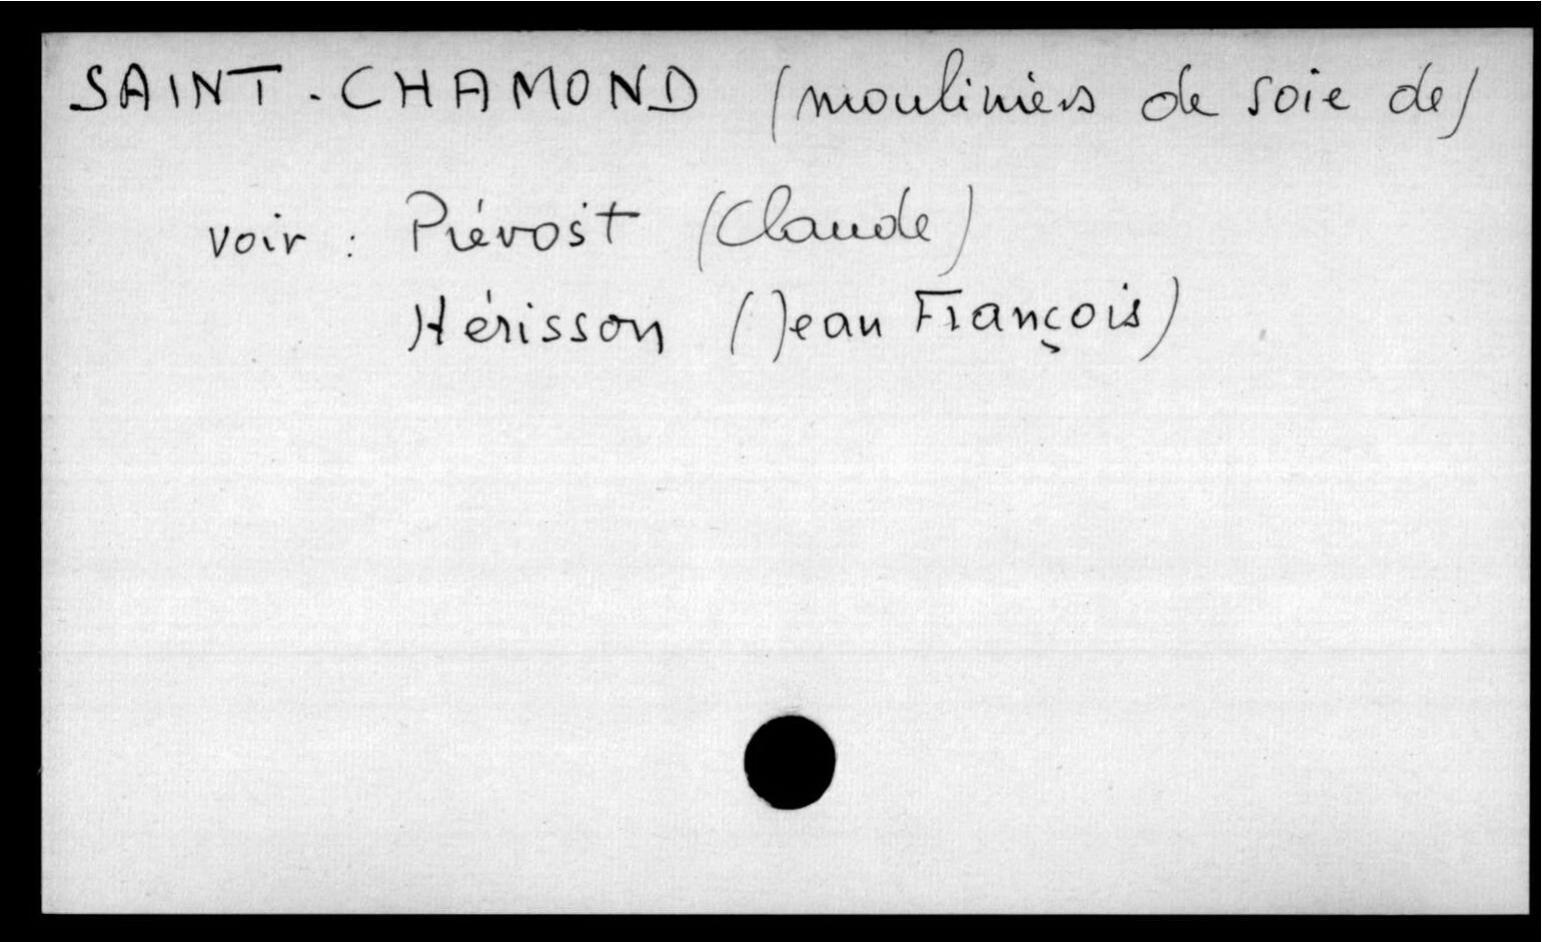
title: SAINT-CHAMOND (Mouliniers de soie de)
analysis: Voir : Prévost (Claude) Hérisson (Jean François)
